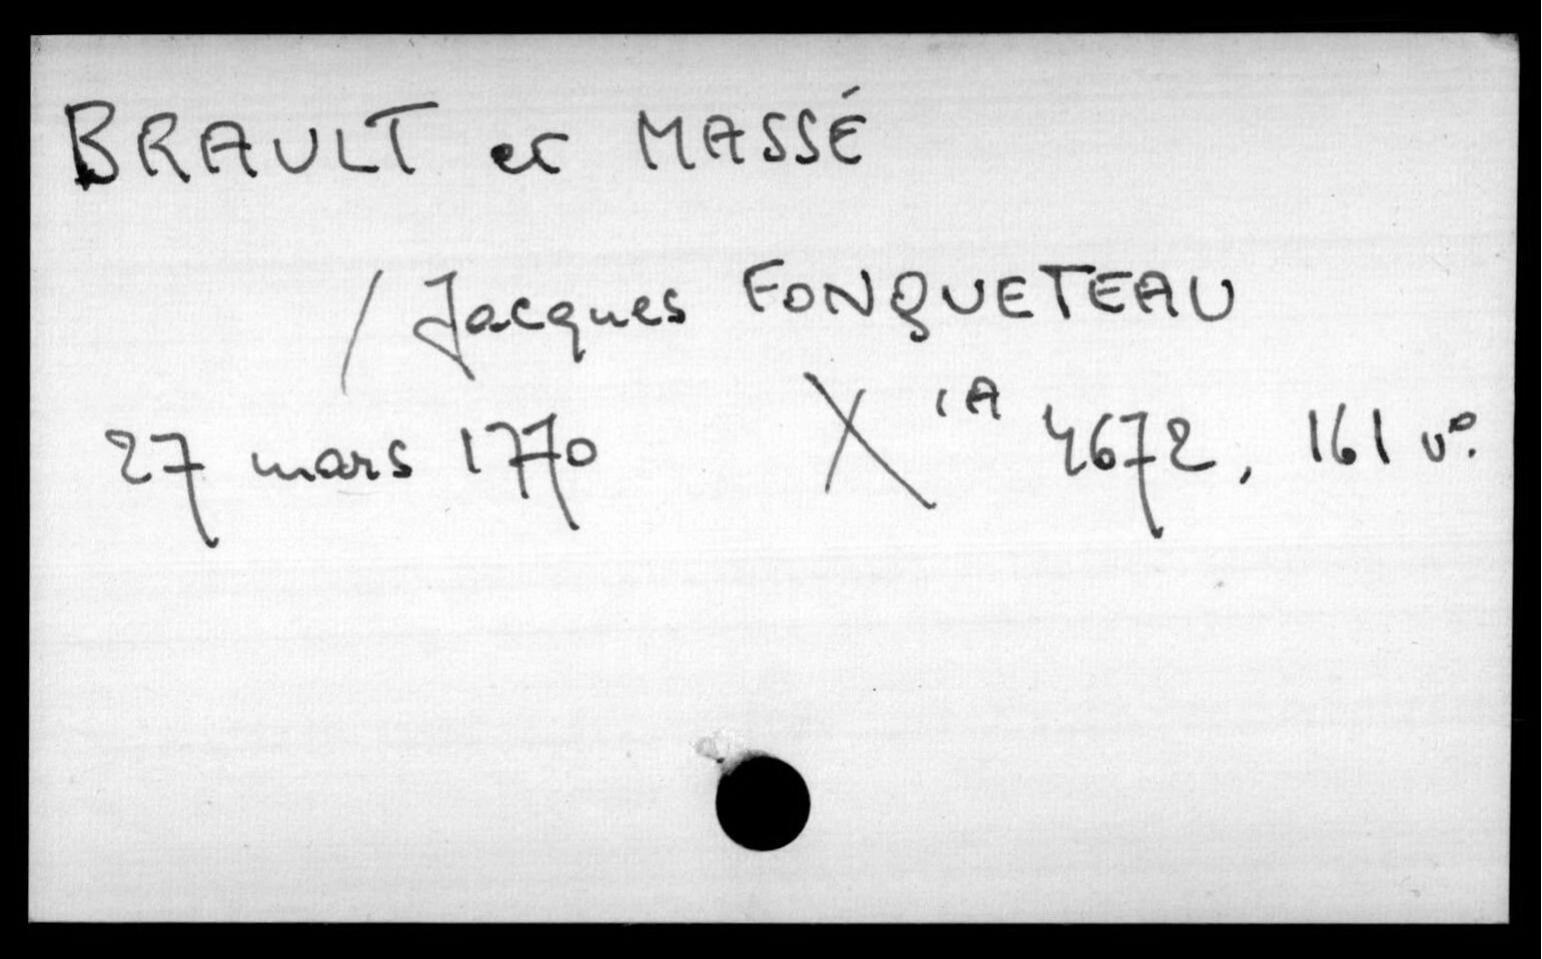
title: BRAULT et MASSÉ
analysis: Contre Jacques FONQUETEAU
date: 27 mars 1770
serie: X1A
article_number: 4672
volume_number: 161v
